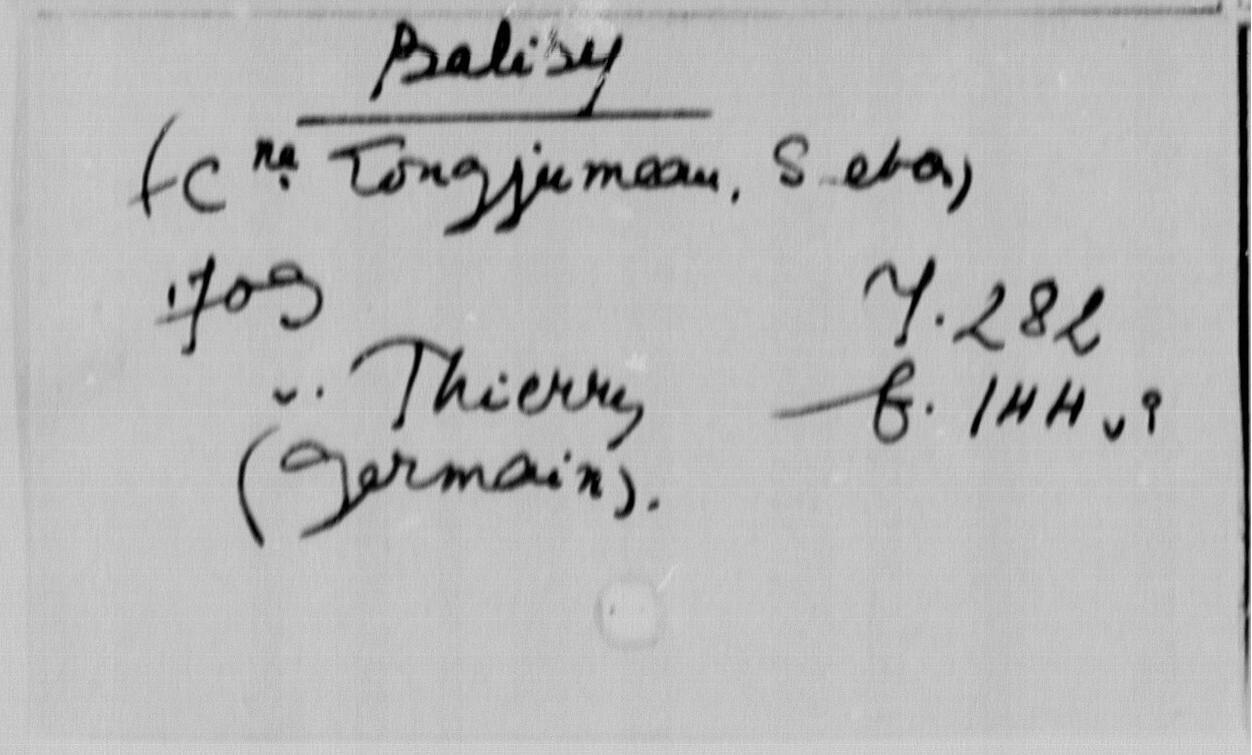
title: BALISY (commune de Longiemeau, département de Seine-et-Oise)
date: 1709
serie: Y
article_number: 282
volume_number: folio 144v
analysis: Voir THIERRY (Germain)
